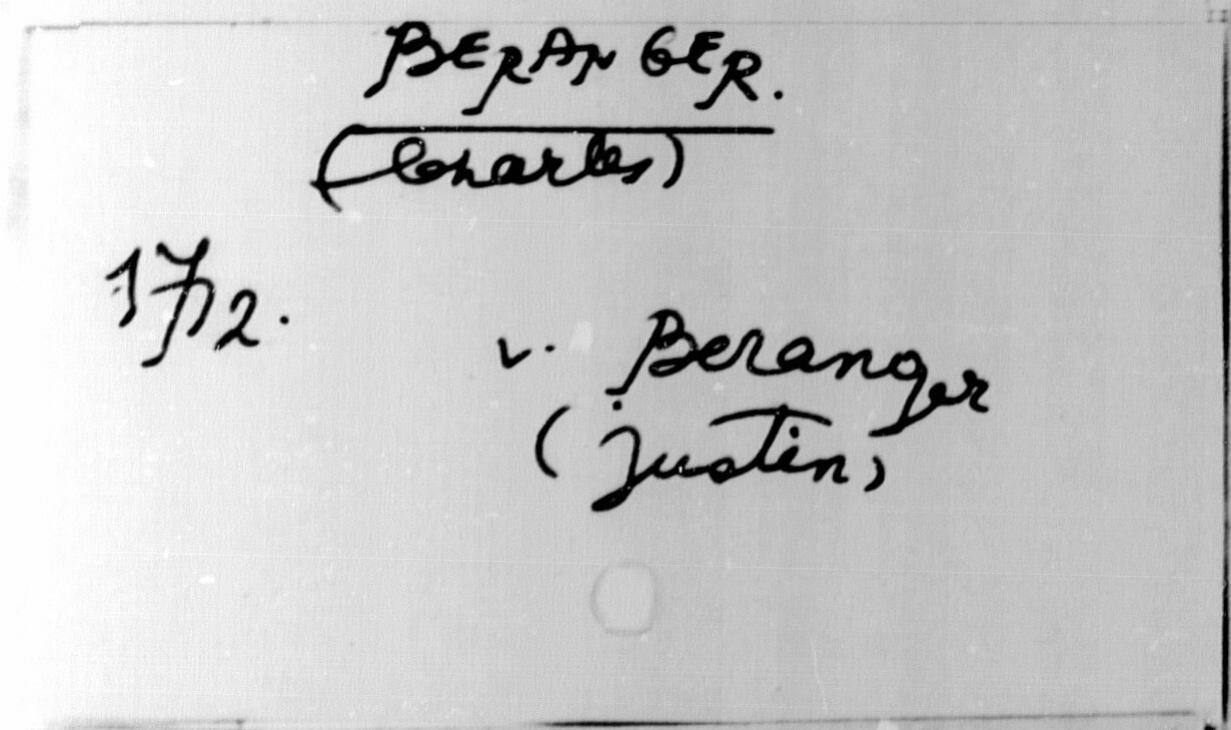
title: BERANGER (Charles)
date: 1712
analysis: Voir : BÉRANGER (Justin)
